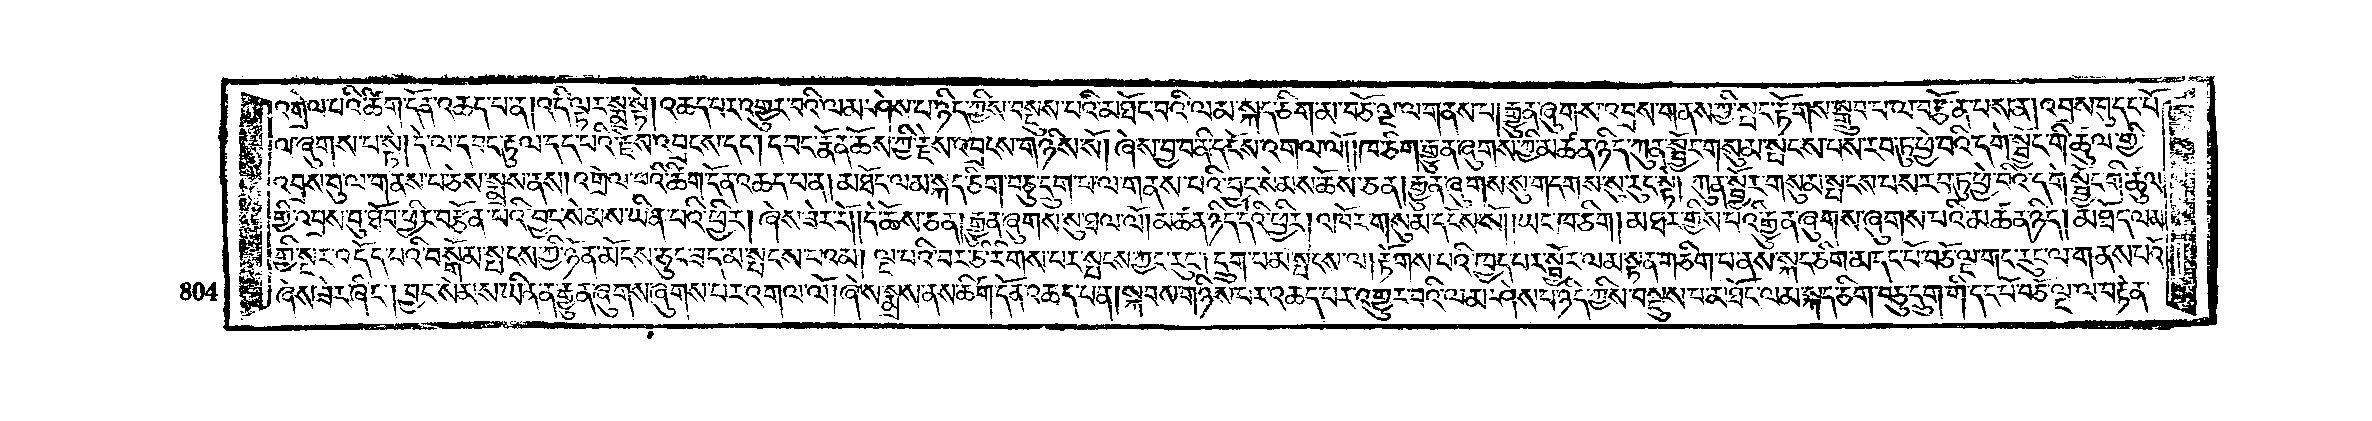འགྲེལ་པའི་ཚིག་དོན་འཆད་པ་ན། འདི་ལྟར་སྨྲ་སྟེ། འཆད་པར་འགྱུར་བའི་ལམ་ཤེས་པ་ཉིད་ཀྱིས་བསྡུས་པའི་མཐོང་བའི་ལམ་སྐད་ཅིག་མ་བཅོ་ལྔ་ལ་གནས་པ། རྒྱུན་ཞུགས་འབྲས་གནས་ཀྱི་སྤང་རྟོགས་སྒྲུབ་པ་ལ་བརྩོན་པས་ན། འབྲས་བུ་དང་པོ་
ལ་ཞུགས་པ་སྟེ། དེ་ལ་དབང་རྟུལ་དད་པའི་རྗེས་འབྲངས་དང་། དབང་རྣོན་ཆོས་ཀྱི་རྗེས་འབྲངས་གཉིས་སོ། ཞེས་བྱ་བ་ནི་དངོས་འགལ་ལོ། །ཁ་ཅིག་རྒྱུན་ཞུགས་ཀྱི་མཚན་ཉིད་ཀུན་སྦྱོར་གསུམ་སྤངས་པས་རབ་ཏུ་ཕྱེ་བའི་དགེ་སྦྱོང་གི་ཚུལ་གྱི་
འབྲས་བུ་ལ་གནས་པ་ཅེས་སྨྲས་ནས། འགྲེལ་པའི་ཚིག་དོན་འཆད་པ་ན། མཐོང་ལམ་སྐད་ཅིག་བཅུ་དྲུག་པ་ལ་གནས་པའི་བྱང་སེམས་ཆོས་ཅན། རྒྱུན་ཞུགས་སུ་གདགས་སུ་རུང་སྟེ། ཀུན་སྦྱོར་གསུམ་སྤངས་པས་རབ་ཏུ་ཕྱེ་བའི་དགེ་སྦྱོང་གི་ཚུལ་
གྱི་འབྲས་བུ་ཐོབ་ཕྱིར་བརྩོན་པའི་བྱང་སེམས་ཡིན་པའི་ཕྱིར། ཞེས་ཟེར་རོ། །དེ་ཆོས་ཅན། རྒྱུན་ཞུགས་སུ་ཐལ་ལོ། མཚན་ཉིད་དེའི་ཕྱིར། འཁོར་གསུམ་དངོས་སོ། །ཡང་ཁ་ཅིག། མཐར་གྱིས་པའི་རྒྱུན་ཞུགས་ཞུགས་པའི་མཚན་ཉིད། མཐོང་ལམ་
གྱི་སྔར་འདོད་པའི་བསྒོམ་སྤངས་ཀྱི་ཉོན་མོངས་ཅུང་ཟད་མ་སྤངས་པའམ། ལྔ་པའི་བར་ཅི་རིགས་པར་སྤངས་ཀྱང་རུང་། དྲུག་པ་མ་སྤངས་ལ། རྟོགས་པའི་ཁྱད་པར་སྦྱོར་ལམ་སྟན་གཅིག་པ་ནས་སྐད་ཅིག་མ་དང་པོ་བཅོ་ལྔ་གང་རུང་ལ་གནས་པའོ་
ཞེས་ཟེར་ཞིང་། བྱང་སེམས་ཡིན་ན་རྒྱུན་ཞུགས་ཞུགས་པར་འགལ་ལོ། ཞེས་སྨྲས་ནས་ཚིག་དོན་འཆད་པ་ན། སྐབས་གཉིས་པར་འཆད་པར་འགྱུར་བའི་ལམ་ཤེས་པ་ཉིད་ཀྱིས་བསྡུས་པ་མཐོང་ལམ་སྐད་ཅིག་བཅུ་དྲུག་གི་དང་པོ་བཅོ་ལྔ་ལ་བརྟེན་